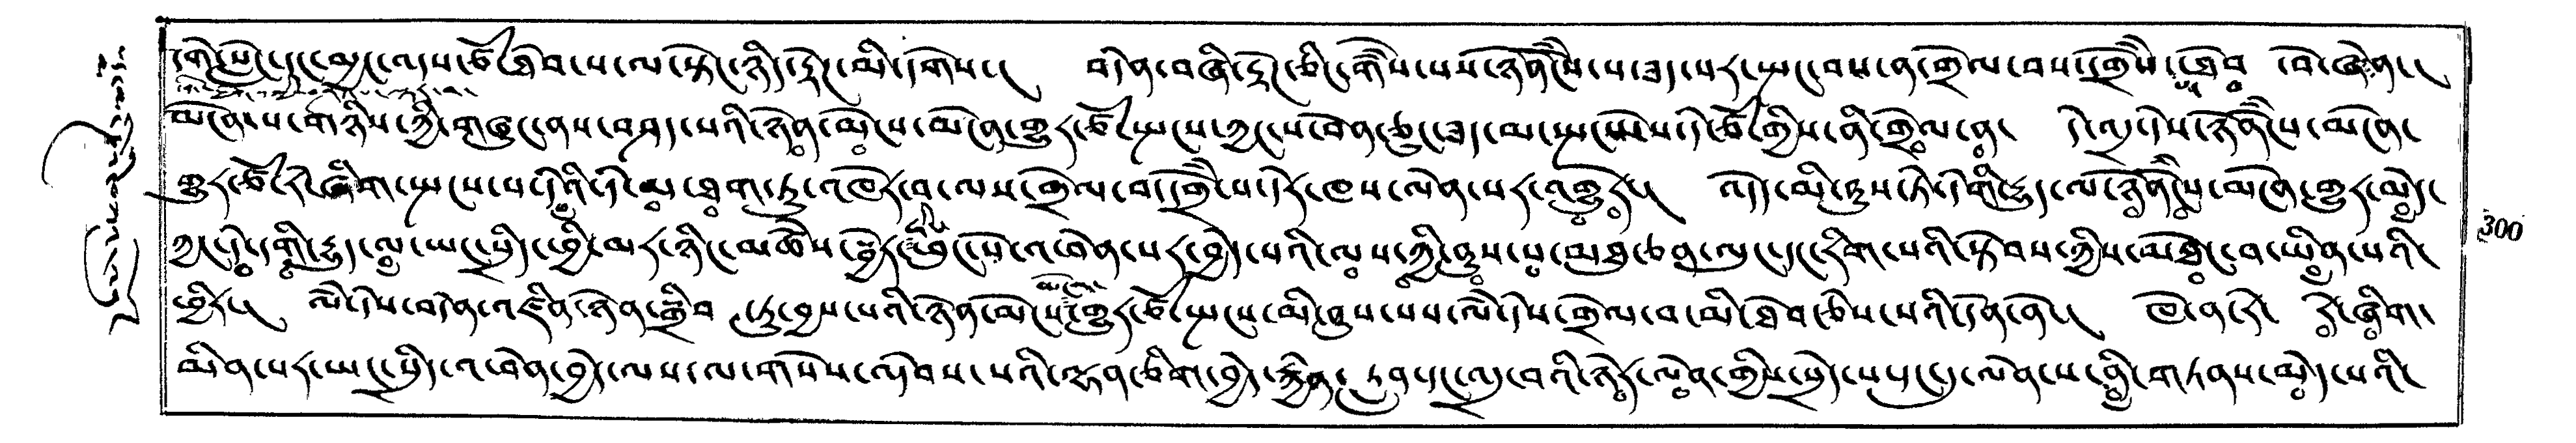དགེ་སློང་དང་མྱང་འདས་ཙམ་འཐོབ་པ་ལ་སྟོང་ཉིད་རྟོགས་མི་དགོས། བདེན་བཞི་རྟོགས་ཤིང་གོམས་པས་ཉོན་མོངས་པ་ཟད་པར་སྤང་བས་ན་གྲོལ་བས་དགྲ་བཅོམ་པར་ཐོབ་ བོ་ཞེ་ན། 
དགེ་ཕྱོགས་ཀྱི་བཤད་པ་ལྟར་ན། མངོན་པ་གཉིས་ཀྱི་གཞུང་ནས་བཤད་པའི་ཉོན་མོངས་མངོན་གྱུར་ཙམ་སྤངས་ཀྱང་ས་བོན་ཅུང་ཟད་མ་སྤངས་པས་དེ་ཙམ་གྱིས་ནི་གྲོལ་ན། དེ་འདྲ་དེས་ཉོན་མོངས་མངོན་
གྱུར་ཙམ་རེ་ཞིག་སྤངས་པ་དེའི་དེ་མ་ཐག་ཏུ་འཁོར་བ་ལས་གྲོལ་བ་དགྲ་བཅོམ་པ་དེར་ཁས་ལེན་པར་འགྱུར་རོ།འདོད་མི་ནུས་ཏེ་དེ་དག་གི་རྒྱུད་ལ་ཉོན་མོངས་མངོན་གྱུར་མེད་
ཀྱང་དེ་དག་གི་རྒྱུད་ལ་ཡང་སྲིད་ཕྱི་མར་ཉིང་མཚམས་སྦྱོར་ཞིང་ཕུང་པོ་འཕེན་པར་བྱེད་པའི་ལས་ཀྱི་ནུས་པ་མཐུ་ཅན་ལུང་དང་རིགས་པའི་སྟོབས་ཀྱིས་མཐོང་བ་ཡིན་པའི་
ཕྱིར། ལམ་དེས་བདེན་འཛིན་ཉོན་སྒྲིབ་ཏུ་བྱས་པའི་ཉོན་མོངས་མངོན་གྱུར་ཙམ་སྤངས་མི་ནུས་པས་ལམ་དེས་གྲོལ་བ་མི་ཐོབ་ཅེས་པའི་དོན་ནོ། ཁོ་ན་རེ། རེ་ཞིག་
མིན་པར་ཡང་སྲིད་འཕེན་བྱེད་ལས་ལ་གསོས་འདེབས་པའི་ལྷན་ཅིག་བྱེད་རྐྱེན་རླན་དང་འདྲ་བའི་ཉེར་ལེན་གྱིས་སྲིད་པ་དང་དུ་ལེན་པ་ནི་གཏན་ནས་མེད་པའི་